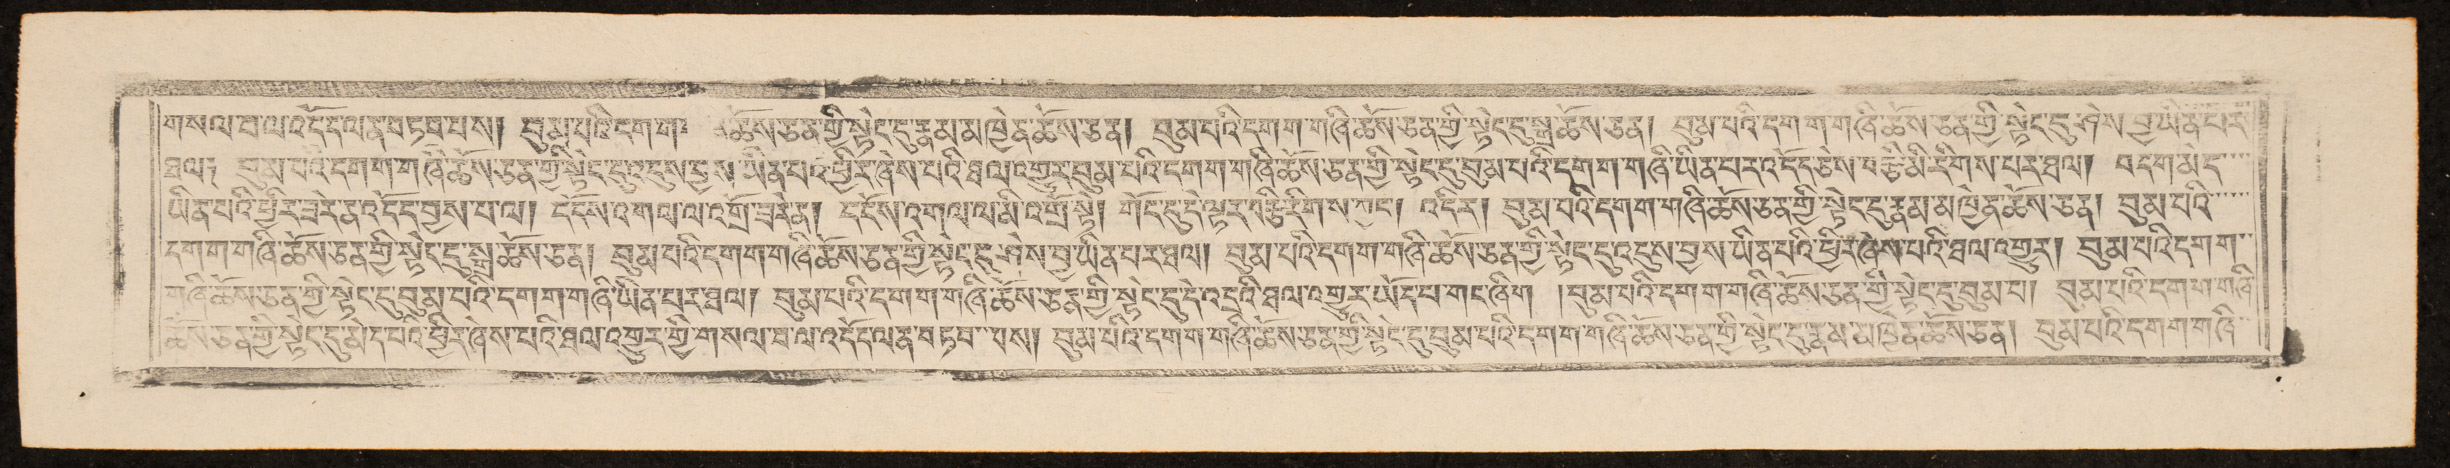གསལ་བ་ལ་འདོད་ལན་བཏབ་པས། བུམ་པའི་དགག་གཞི་ཆོས་ཅན་གྱི་སྟེང་དུ་རྣམ་མཁྱེན་ཆོས་ཅན། བུམ་པའི་དགག་གཞི་ཆོས་ཅན་གྱི་སྟེང་དུ་སྒྲ་ཆོས་ཅན། བུམ་པའི་དགག་གཞི་ཆོས་ཅན་གྱི་སྟེང་དུ་ཤེས་བྱ་ཡིན་པར་
ཐལ། བུམ་པའི་དགག་གཞི་ཆོས་ཅན་གྱི་སྟེང་དུ་འདུས་བྱས་ཡིན་པའི་ཕྱིར་ཞེས་པའི་ཐལ་འགྱུར་བུམ་པའི་དགག་གཞི་ཆོས་ཅན་གྱི་སྟེང་དུ་བུམ་པའི་དགག་གཞི་ཡིན་པར་འདོད་ཅེས་བརྩི་མི་རིགས་པར་ཐལ། བདག་མེད་
ཡིན་པའི་ཕྱིར་ཟེར་ན་འདོད་བྱས་པ་ལ། དངོས་འགལ་ལ་འགྲོ་ཟེར་ན། དངོས་འགལ་ལ་མི་འགྲོ་སྟེ། གོང་དུ་དེ་ལྟར་བརྩི་རིགས་ཀྱང་། འདིར། བུམ་པའི་དགག་གཞི་ཆོས་ཅན་གྱི་སྟེང་དུ་རྣམ་མཁྱེན་ཆོས་ཅན། བུམ་པའི་
དགག་གཞི་ཆོས་ཅན་གྱི་སྟེང་དུ་སྒྲ་ཆོས་ཅན། བུམ་པའི་དགག་གཞི་ཆོས་ཅན་གྱི་སྟེང་དུ་ཤེས་བྱ་ཡིན་པར་ཐལ། བུམ་པའི་དགག་གཞི་ཆོས་ཅན་གྱི་སྟེང་དུ་འདུས་བྱས་ཡིན་པའི་ཕྱིར་ཞེས་པའི་ཐལ་འགྱུར། བུམ་པའི་དགག་གཞི་
གཞི་ཆོས་ཅན་གྱི་སྟེང་དུ་བུམ་པའི་དགག་གཞི་ཡིན་པར་ཐལ། བུམ་པའི་དགག་གཞི་ཆོས་ཅན་གྱི་སྟེང་དུ་དེ་འདྲའི་ཐལ་འགྱུར་ཡོད་པ་གང་ཞིག །བུམ་པའི་དགག་གཞི་ཆོས་ཅན་གྱི་སྟེང་དུ་བུམ་པ། བུམ་པའི་དགག་གཞི་
ཆོས་ཅན་གྱི་སྟེང་དུ་མེད་པའི་ཕྱིར་ཞེས་པའི་ཐལ་འགྱུར་གྱི་གསལ་བ་ལ་འདོད་ལན་བཏབ་པས། བུམ་པའི་དགག་གཞི་ཆོས་ཅན་གྱི་སྟེང་དུ་བུམ་པའི་དགག་གཞི་ཆོས་ཅན་གྱི་སྟེང་དུ་རྣམ་མཁྱེན་ཆོས་ཅན། བུམ་པའི་དགག་གཞི་